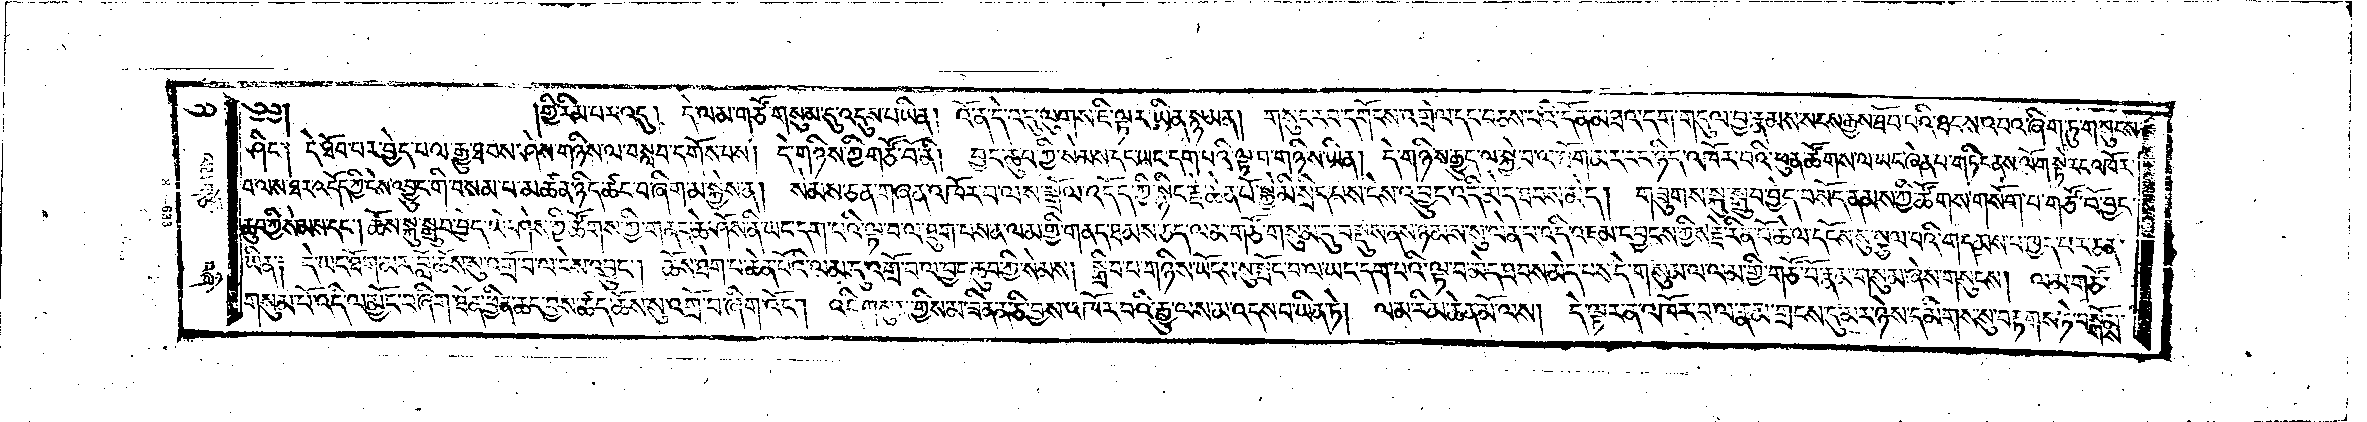༄༅། །གྱི་རིམ་པར་འདུ། དེ་ལམ་གཙོ་གསུམ་དུ་འདུས་པ་ཡིན། འོ་ན་དེ་འདུ་ལུགས་ཇི་ལྟར་ཡིན་སྙམ་ན། གསུང་རབ་དགོངས་འགྲེལ་དང་བཅས་པའི་དོན་མཐའ་དག་གདུལ་བྱ་རྣམས་སངས་རྒྱས་ཐོབ་པའི་ཐབས་འབའ་ཞིག་ཏུ་གསུངས་
ཤིང༑ དེ་ཐོབ་པར་བྱེད་པ་ལ་རྒྱུ་ཐབས་ཤེས་གཉིས་ལ་བསླབ་དགོས་པས། དེ་གཉིས་ཀྱི་གཙོ་བོ་ནི། བྱང་ཆུབ་ཀྱི་སེམས་དང་ཡང་དག་པའི་ལྟ་བ་གཉིས་ཡིན། དེ་གཉིས་རྒྱུད་ལ་སྐྱེ་བ་ལ་ཐོག་མར་རང་ཉིད་འཁོར་བའི་ཕུན་ཚོགས་ལ་ཡང་ཞེན་པ་གཏིང་ནས་ལོག་སྟེ་རང་འཁོར་
བ་ལས་ཐར་འདོད་ཀྱི་ངེས་འབྱུང་གི་བསམ་པ་མཚན་ཉིད་ཚང་བ་ཞིག་མ་སྐྱེས་ན། སེམས་ཅན་གཞན་འཁོར་བ་ལས་སྒྲོལ་འདོད་ཀྱི་སྙིང་རྗེ་ཆེན་པོ་སྐྱེ་མི་སྲིད་པས་ངེས་འབྱུང་འདི་མེད་ཐབས་མེད། གཟུགས་སྐུ་སྒྲུབ་བྱེད་བསོད་ནམས་ཀྱི་ཚོགས་གསོག་པ་གཙོ་བོ་བྱང་
ཆུབ་ཀྱི་སེམས་དང་། ཆོས་སྐུ་སྒྲུབ་བྱེད་ཡེ་ཤེས་ཀྱི་ཚོགས་ཀྱི་གནད་ཆེ་ཤོས་ནི་ཡང་དག་པའི་ལྟ་བ་ལ་ཐུག་པས་ན་ལམ་གྱི་གནད་ཐམས་ཅད་ལམ་གཙོ་གསུམ་དུ་བསྡུས་ནས་ཉམས་སུ་ལེན་པ་འདི་འཇམ་དབྱངས་ཀྱིས་རྗེ་རིན་པོ་ཆེ་ལ་དངོས་སུ་སྩལ་བའི་གདམས་པ་ཁྱད་པར་ཅན་
ཡིན༑ དེ་ཡང་ཐོག་མར་བློ་ཆོས་སུ་འགྲོ་བ་ལ་ངེས་འབྱུང་། ཆོས་ཐེག་པ་ཆེན་པོའི་ལམ་དུ་འགྲོ་བ་ལ་བྱང་ཆུབ་ཀྱི་སེམས། སྒྲིབ་པ་གཉིས་ཡོངས་སུ་སྤོང་བ་ལ་ཡང་དག་པའི་ལྟ་བ་མེད་ཐབས་མེད་པས་དེ་གསུམ་ལ་ལམ་གྱི་གཙོ་བོ་རྣམ་གསུམ་ཞེས་གསུངས། ལམ་གཙོ་
གསུམ་པོ་འདི་ལ་མྱོང་བ་ཞིག་ཐོན་ཕྱིན་ཆད་བྱས་ཚད་ཆོས་སུ་འགྲོ་བ་ཞིག་འོང་། འདི་གསུམ་གྱིས་མ་ཟིན་ན་ཅི་བྱས་འཁོར་བའི་རྒྱུ་ལས་མ་འདས་པ་ཡིན་ཏེ། ལམ་རིམ་ཆེན་མོ་ལས། དེ་ལྟར་ན་འཁོར་བ་ལ་རྣམ་གྲངས་དུ་མར་ཉེས་དམིགས་སུ་བརྟགས་ཏེ་བསྒོམས་